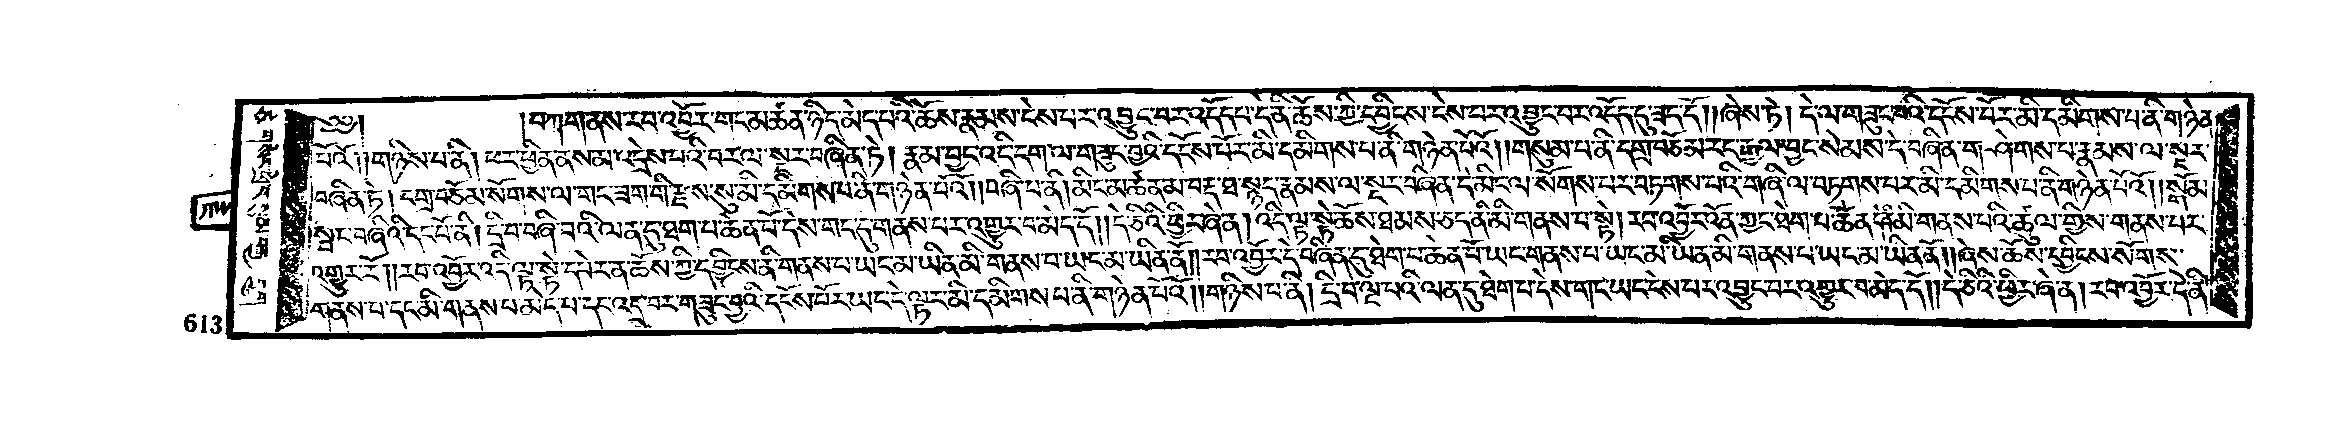༄༅། །བཀག་ནས་རབ་འབྱོར་གང་མཚན་ཉིད་མེད་པའི་ཆོས་རྣམས་ངེས་པར་འབྱུང་བར་འདོད་པ་དེ་ནི་ཆོས་ཀྱི་དབྱིངས་ངེས་པར་འབྱུང་བར་འདོད་དུ་ཟད་དོ། །ཞེས་ཏེ། དེ་ལ་གཟུང་བའི་དངོས་པོར་མི་དམིགས་པ་ནི་གཉེན་
པོའོ། །གཉིས་པ་ནི། ཕར་ཕྱིན་ནས་མ་འདྲེས་པའི་བར་ལ་སྔར་བཞིན་ཏེ། རྣམ་བྱང་འདི་དག་ལ་གཟུང་བྱའི་དངོས་པོར་མི་དམིགས་པ་ནི་གཉེན་པོའོ། །གསུམ་པ་ནི་དགྲ་བཅོམ་རང་རྒྱལ་བྱང་སེམས་དེ་བཞིན་གཤེགས་པ་རྣམས་ལ་སྔར་
བཞིན་ཏེ། དགྲ་བཅོམ་སོགས་ལ་གང་ཟག་གི་རྫས་སུ་མི་དམིགས་པ་ནི་གཉེན་པོའོ། །བཞི་པ་ནི། མིང་མཚན་མ་བརྡ་ཐ་སྙད་རྣམས་ལ་སྔར་བཞིན་དེ་མིང་ལ་སོགས་པར་བཏགས་པའི་གཞི་ལ་བཏགས་པར་མི་དམིགས་པ་ནི་གཉེན་པོའོ། །སྒོམ་
སྤང་བཞིའི་དང་པོ་ནི། དྲི་བ་བཞི་བའི་ལན་དུ་ཐེག་པ་ཆེན་པོ་དེས་གང་དུ་གནས་པར་འགྱུར་བ་མེད་དོ། །དེ་ཅིའི་ཕྱིར་ཞེ་ན། འདི་ལྟ་སྟེ་ཆོས་ཐམས་ཅད་ནི་མི་གནས་པ་སྟེ། རབ་འབྱོར་འོན་ཀྱང་ཐེག་པ་ཆོན་དེ་ནི་མི་གནས་པའི་ཚུལ་གྱིས་གནས་པར་
འགྱུར་རོ། །རབ་འབྱོར་འདི་ལྟ་སྟེ་དཔེར་ན་ཆོས་ཀྱི་དབྱིངས་ནི་གནས་པ་ཡང་མ་ཡིན་མི་གནས་པ་ཡང་མ་ཡིན་ནོ། །རབ་འབྱོར་དེ་བཞིན་དུ་ཐེག་པ་ཆེན་པོ་ཡང་གནས་པ་ཡང་མ་ཡིན་མི་གནས་པ་ཡང་མ་ཡིན་ནོ། །ཞེས་ཆོས་དབྱིངས་སོགས་
གནས་པ་དང་མི་གནས་པ་མེད་པ་དང་འདྲ་བར་གཟུང་བྱའི་དངོས་པོར་ཡང་དེ་ལྟར་མི་དམིགས་པ་ནི་གཉེན་པོའོ། །གཉིས་པ་ནི། དྲི་བ་ལྔ་པའི་ལན་དུ་ཐེག་པ་དེས་གང་ཡང་ངེས་པར་འབྱུང་བར་འགྱུར་བ་མེད་དོ། །དེ་ཅིའི་ཕྱིར་ཞེ་ན། རབ་འབྱོར་དེ་ནི་